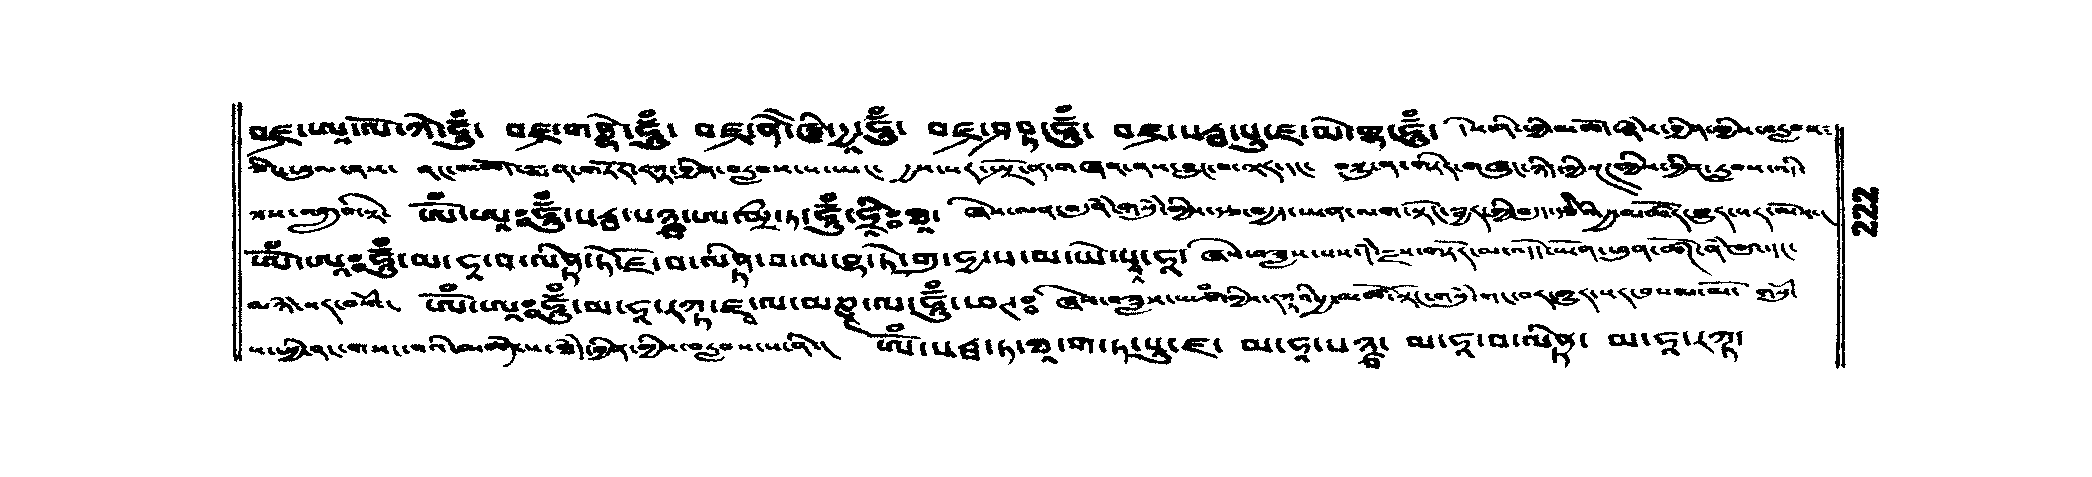བཛྲ་ཨཱ་ལོ་ཀེ་ཧཱུྃ། བཛྲ་གནྡྷེ་ཧཱུྃ། བཛྲ་ཤབྟ་ཧཱུྃ། བཛྲ་སརྦ་པུ་ཛ་མེ་གྷ་ཧཱུྃ། དེས་ནི་ཕྱི་མཆོད་རྣམས་བྱིན་གྱིས་བརླབས་
ཅིང་ཕུལ་ནས། ནང་མཆོད་སྨན་གཏོར་རཀྟ་བྱིན་བརླབས་ཡང་། །རྒྱས་པར་སྤྲོ་ན་གཞན་ནས་བྱུང་བ་ལྟར་དང་། བསྡུ་ན་གཏེར་གཞུང་ཉིད་ཀྱི་སྔགས་ཀྱིས་བྱིན་རླབས་འདི་
ལྟས་འགྲུབ་སྟེ། ཨོཾ་ཨཱཿཧཱུྃ་སརྦ་པཉྩ་ཨ་མྲྀ་ཏ་ཧཱུྃ་ཧྲཱིཿཐཱ། ཞེས་ལན་བདུན་ནམ་གསུམ་གྱིས་རྩ་བརྒྱད་ཡན་ལག་སྟོང་སྦྱར་ཀྱི་བདུད་རྩིའི་རྒྱ་མཚོར་གྱུར་པར་མོས་། 
ཨོཾ་ཨཱཿཧཱུྃ་མ་ཧཱ་བ་ལིནྟ་ཏེ་ཛོ་བ་ལིནྟ་བ་ལ་བྷ་ཏེ་གུ་ཧྱ་ས་མ་ཡེ་སྭཱ་ཧཱ། ཞེས་བཟླས་པས་དམ་རྫསགཏོར་མ་འདོད་ཡོན་ཕུན་ཚོགས་ནམ་མཁའ་དང་
མཉམ་པར་བསམ། ཨོཾ་ཨཱཿཧཱུྃ་མ་ཧཱ་རཀྟ་ཛྭ་ལ་མཎྜ་ལ་ཧཱུྃ་ཕཊཿ ཞེས་བཟླས་པ་ཙམ་གྱིས་རཀྟའི་རྒྱ་མཚོ་སྟོང་གསུམ་གང་བར་གྱུར་པར་བསམ་མོ། གསུམ་
པ་ཕྱི་ནང་གསང་བའི་མཆོད་པ་ཐམས་ཅད་བྱིན་གྱིས་བརླབས་པ་ནི། ཨོཾ་སརྦ་ཏ་ཐཱ་ག་ཏ་པཱུ་ཛ། མ་ཧཱ་པཉྩ། མ་ཧཱ་བ་ལིནྟ། མ་ཧཱ་རཀྟ།